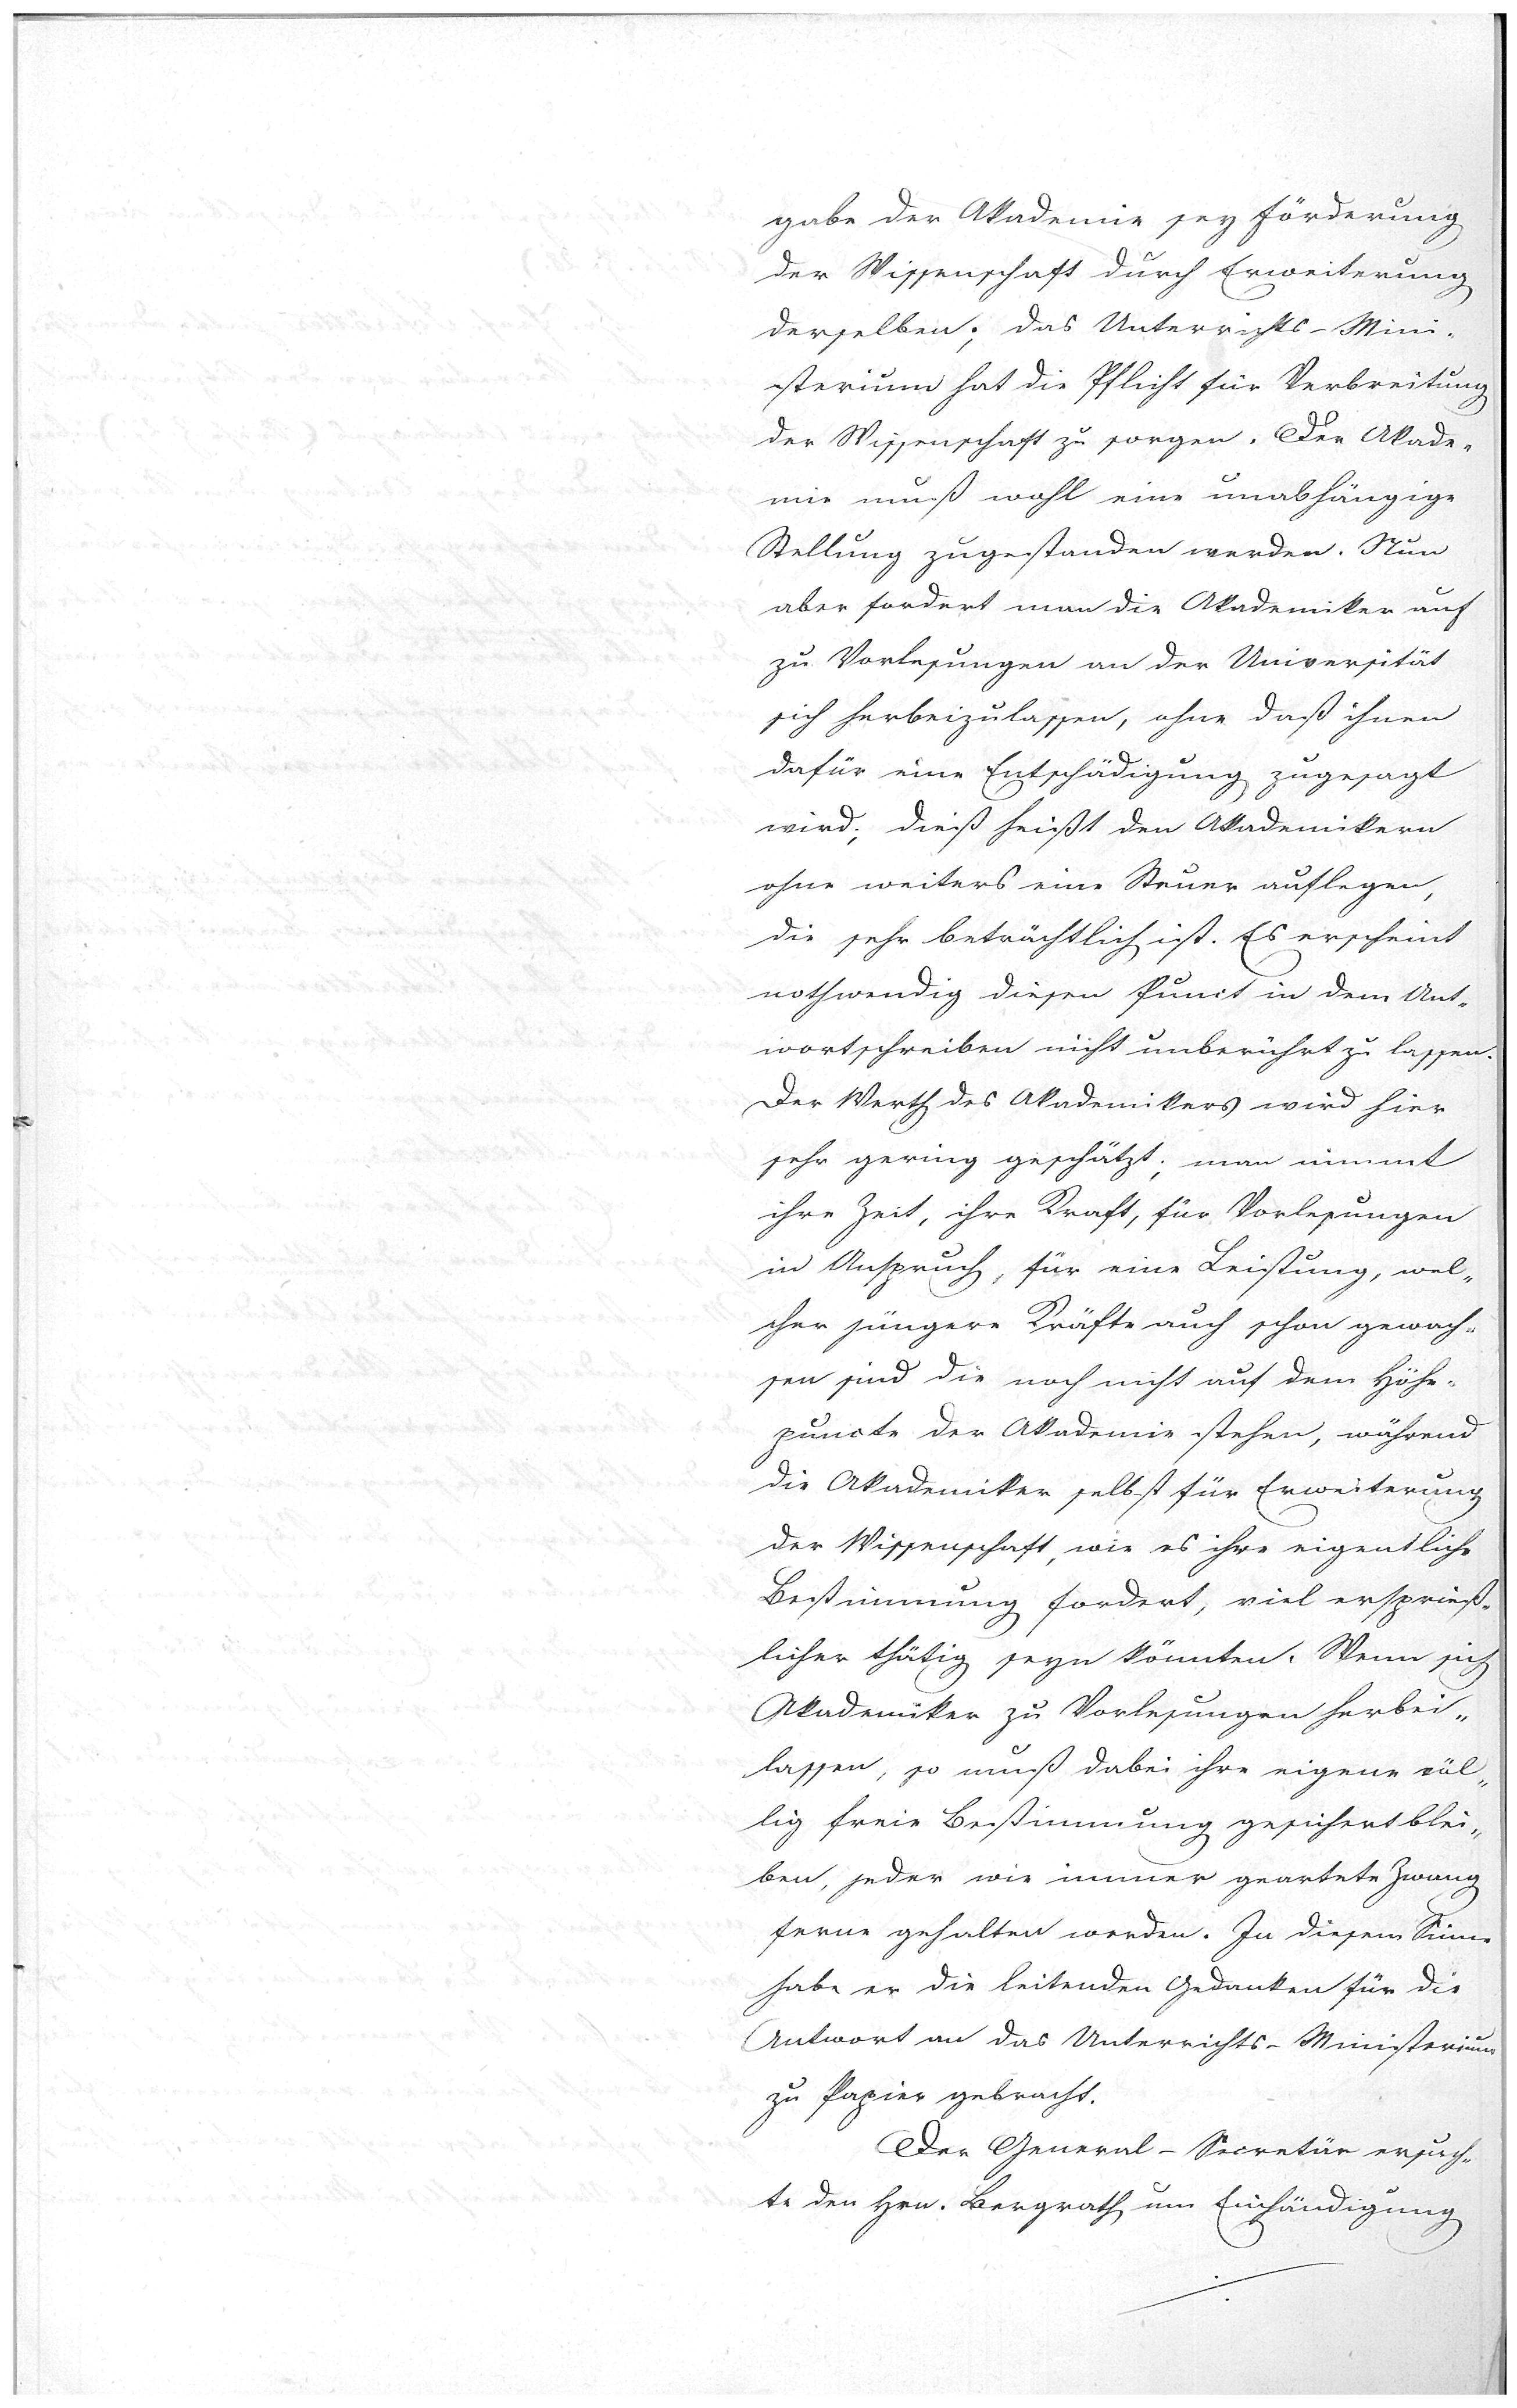gabe der Akademie sey Förderung
der Wissenschaft durch Erweiterung
derselben; das Unterrichts-Mini-
sterium hat die Pflicht für Verbreitung
der Wissenschaft zu sorgen. Der Akade-
mie muß wohl eine unabhängige
Stellung zugestanden werden. Nun
aber fordert man die Akademiker auf
zu Vorlesungen an der Universität
sich herbeizulassen, ohne daß ihnen
dafür eine Entschädigung zugesagt
wird; dieß heißt den Akademikern
ohne weiters eine Steuer auflegen,
die sehr beträchtlich ist: Es erscheint
nothwendig diesen Puncte in dem Ant-
wortschreiben nicht unberührt zu lassen.
Der Werth des Akademiker wird hier
sehr gering geschätzt, man nimmt
ihre Zeit, ihre Kraft, für Vorlesungen
in Anspruch, für eine Leistung, wel-
cher jüngere Kräfte auch schon gewach-
sen sind die noch nicht auf dem Höhe-
puncte der Akademie stehen, während
die Akademiker selbst für Erweiterung
der Wissenschaft, wie es ihre eigentliche
Bestimmung fordert, viel ersprieß-
licher thätig seyn könnten. Wenn sich
Akademiker zu Verlesungen hierbei-
lassen, so muß dabei ihre eigene völ-
lig freie Bestimmung gesichert blei-
ben, jeder wie immer geartete Zwang
ferne gehalten werden. In diesen Sinne
habe er die leitenden Gedanken für die
Antwort an das Unterrichts-Ministerium
zu Papier gebracht.
Der General-Secretär ersuch-
te den Hrn. Bergrath um Einhändigung